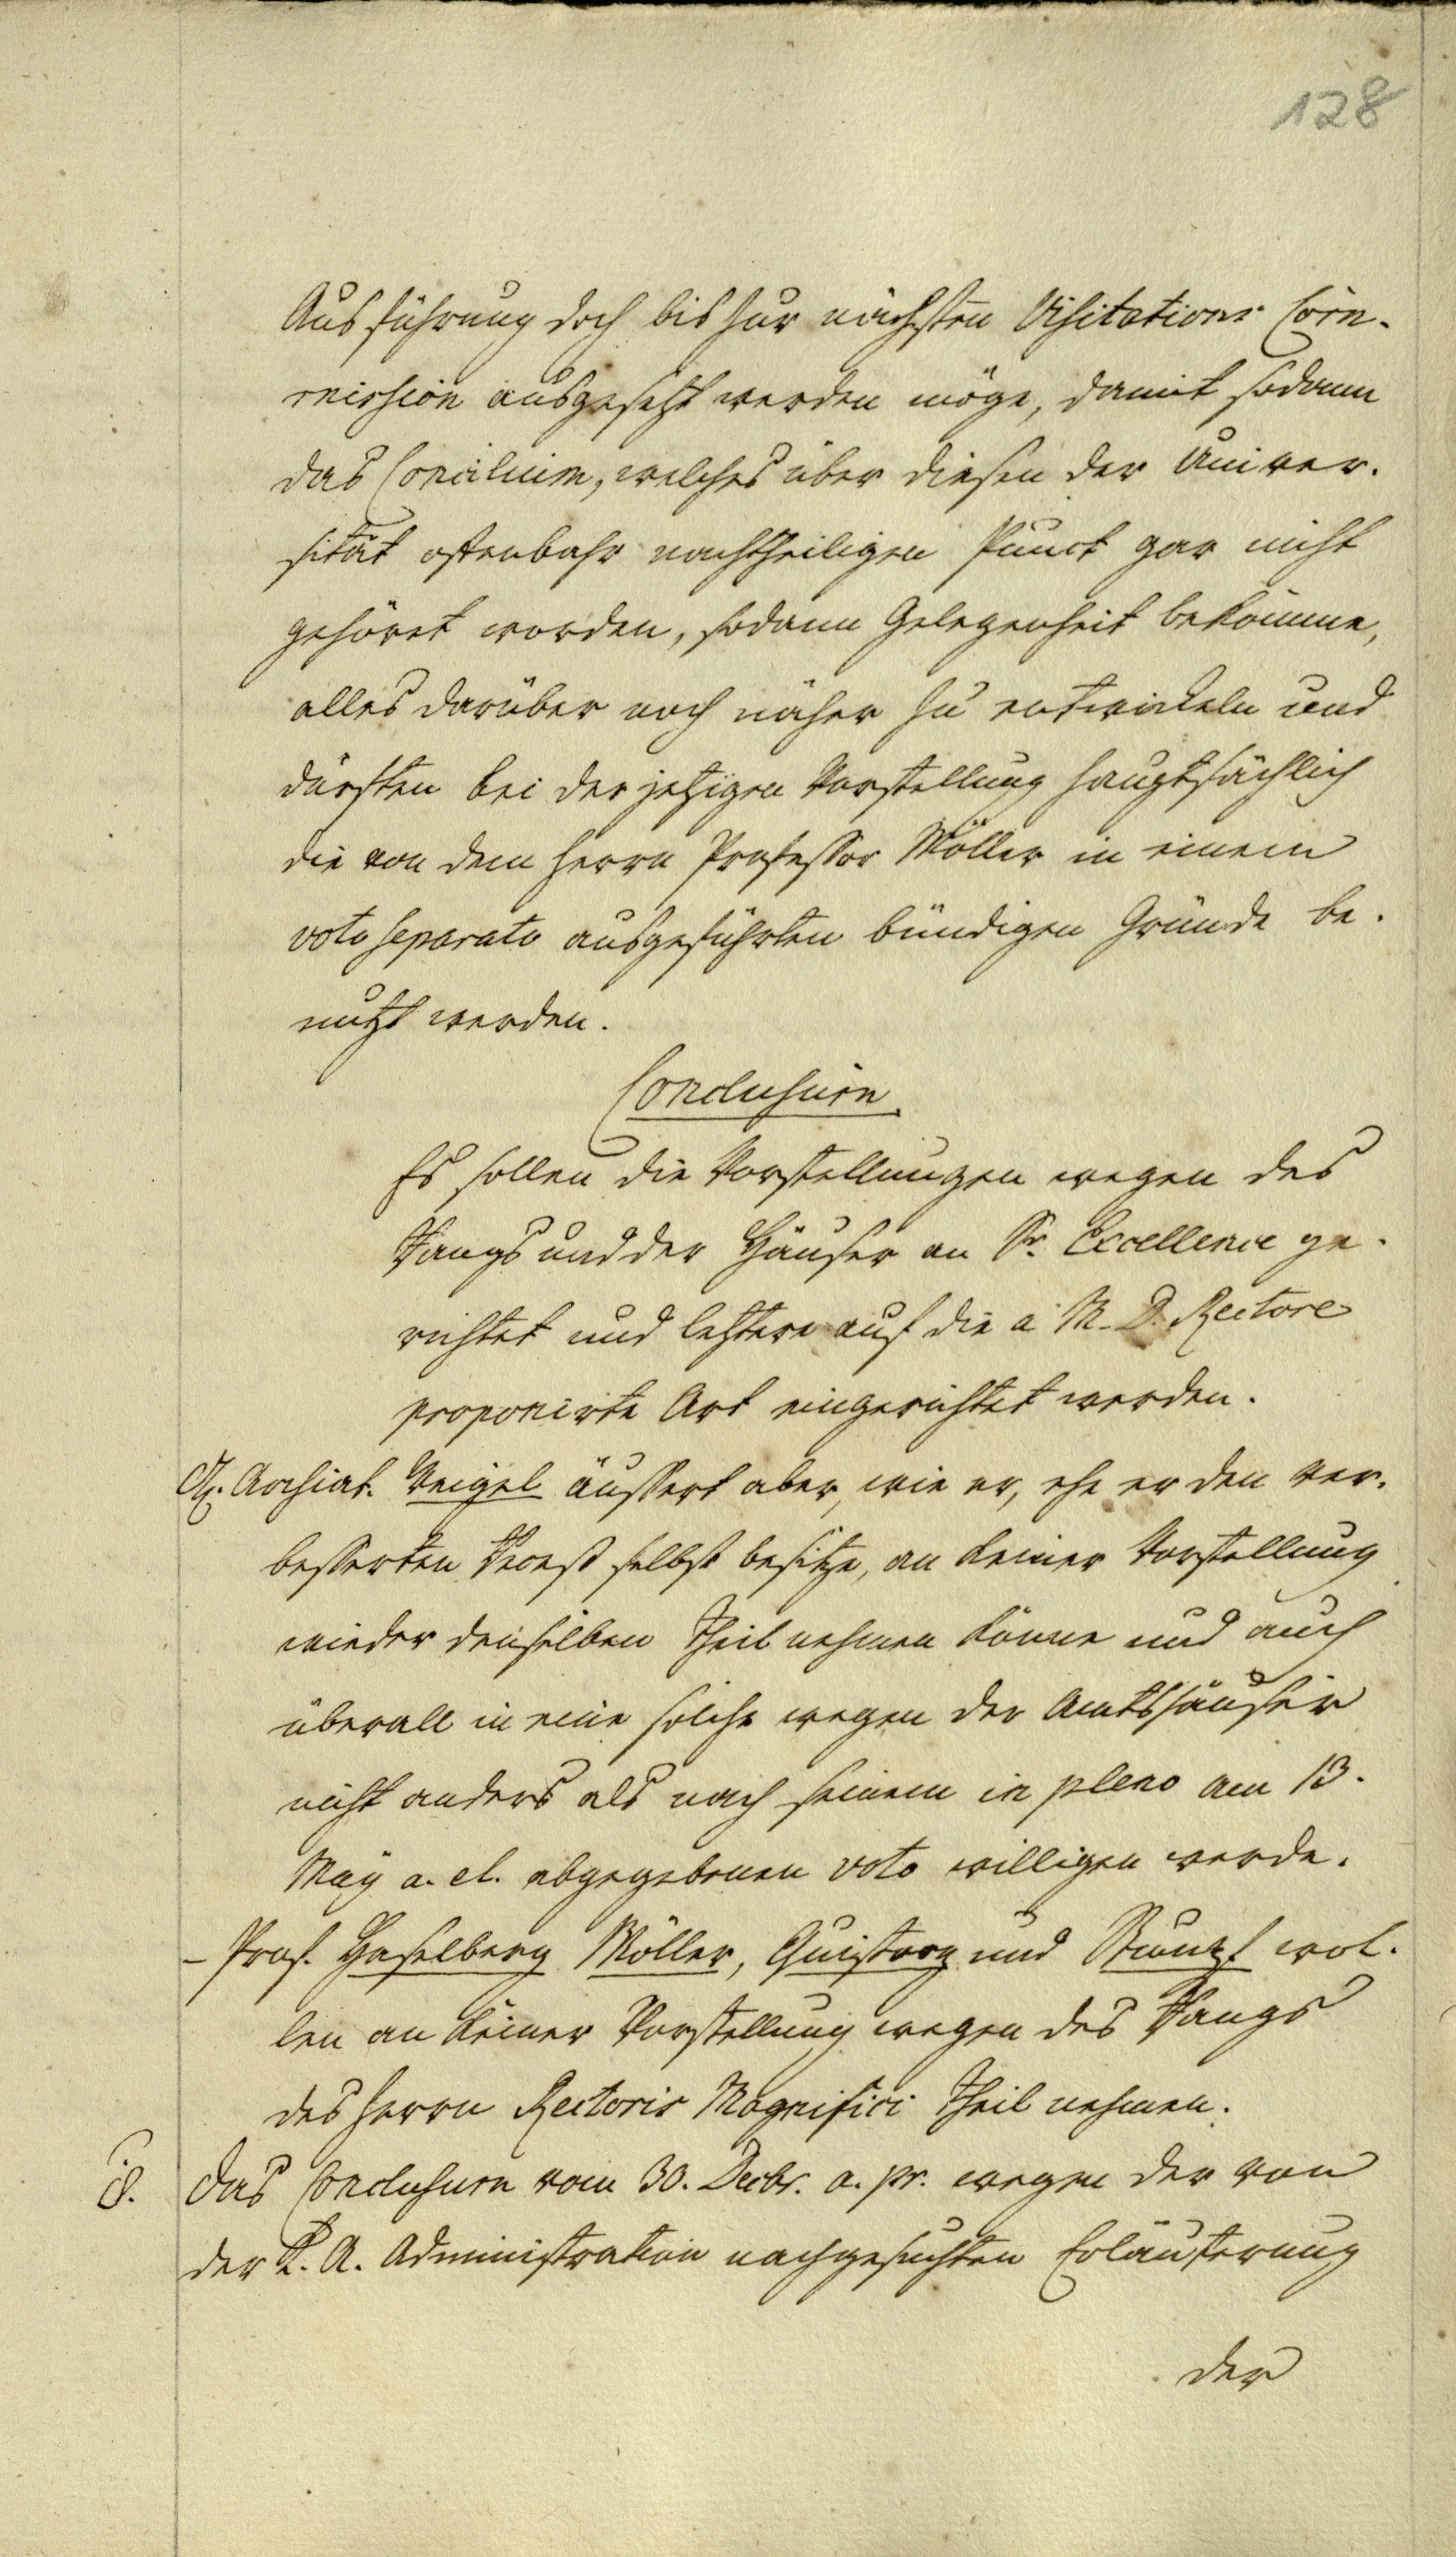Ausführung doch bis zur nächsten Visitations Com¬
mission ausgesetzt werden möge, damit sodann
das Concilium, welches über diesen der Univer¬
sität offenbahr nachtheiligen Punct gar nicht
gehöret worden, sodann Gelegenheit bekomme,
alles darüber noch näher zu entwickeln und
dürften bei der jetzigen Vorstellung hauptsächlich
die von dem Herrn Professor Möller in einem
voto separato ausgeführten bündigen Gründe be¬
nutzt werden.
Conclusum
Es sollen die Vorstellungen wegen des
Rangs und der Häuser an Sr. Excellence ge¬
richtet und letztere auf die a M. D. Rectore
proponirte Art eingerichtet werden.
dh. Archiat. Weigel äussert aber wie er, ehe er den ver¬
besserten Receß selbst besitze, an keiner Vorstellung
wieder denselben Theil nehmen könne und auch
überall in eine solche wegen der Amtshäuser
nicht anders als nach seinem in pleno am 13.
Maÿ a. el. abgegebenen voto willigen werde.
Prof. Haselberg Möller, Quistorp und Stumpf wol¬
len an keiner Vorstellung wegen des Rangs
des Herrn Rectoris Magnifici Theil nehmen.
8. Da Conclusum vom 30. Decbr. a. pr. wegen der von
der K. A. Administration nachgesuchten Erläuterung
der